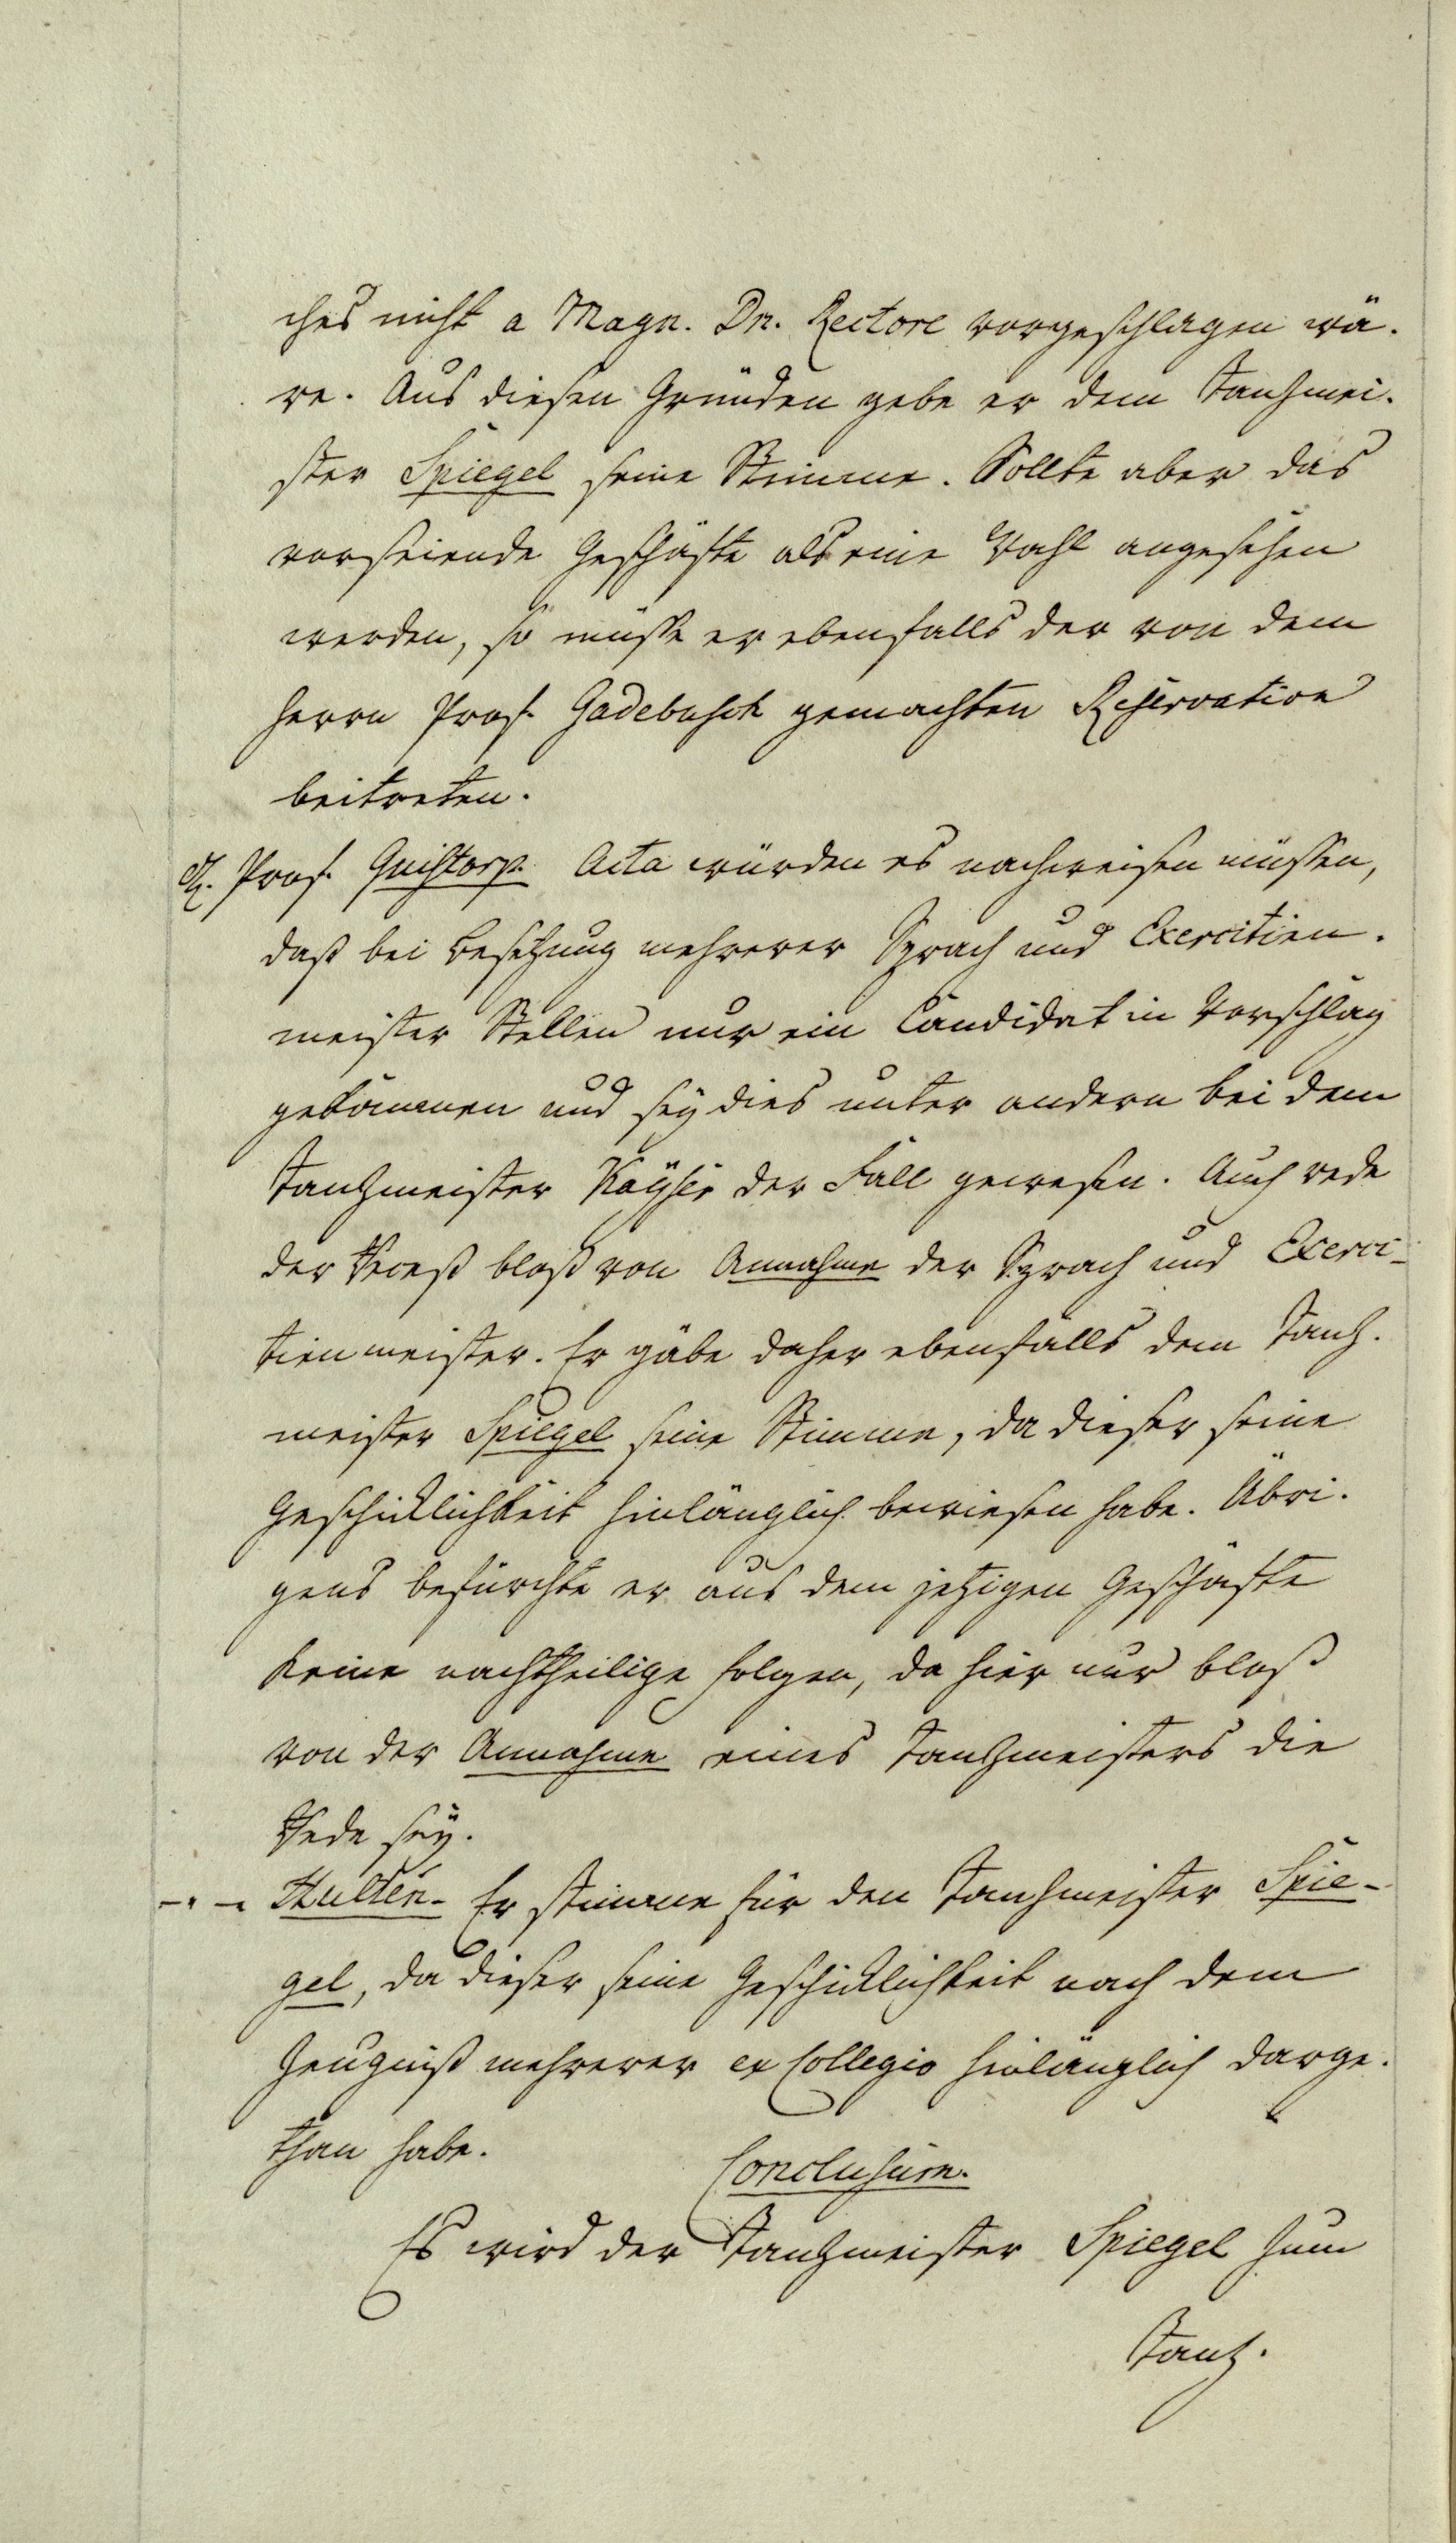ches nicht a Magn. Dn. Rectore vorgeschlagen wä¬
re. Aus diesen Gründen gebe er dem Tanzmei¬
ster Spiegel seine Stimme. Sollte aber das
vorseiende Geschäfte als eine Wahl angesehen
werden, so müsse er ebenfalls der von dem
Herrn Prof. Gadebusch gemachten Reservation
beitreten.
dh. Prof. Quistorp. Acta würden es nachweisen müssen,
daß bei Besetzung mehrerer Sprach und Exercitien¬
meister Stellen nur ein Candidat in Vorschlag
gekommen und seÿ dies unter andern bei dem
Tanzmeister Kaÿser der Fall gewesen. Auch rede
der Receß bloß von Annahme der Sprach und Exerci¬
tienmeister. Er gäbe daher ebenfalls dem Tanz¬
meister Spiegel seine Stimme, da dieser seine
Geschicklichkeit hinlänglich bewiesen habe. Übri¬
gens befürchte er aus dem jetzigen Geschäfte
keine nachtheilige Folgen, da hier nur bloß
von der Annahme eines Tanzmeisters die
Rede seÿ.
Hultén. Er stimme für den Tanzmeister Spie¬
gel, da dieser seine Geschicklichkeit nach dem
Zeugniß mehrerer ex Collegio hinlänglich darge¬
than habe.
Conclusum.
Es wird der Tanzmeister Spiegel zum
Tanz¬